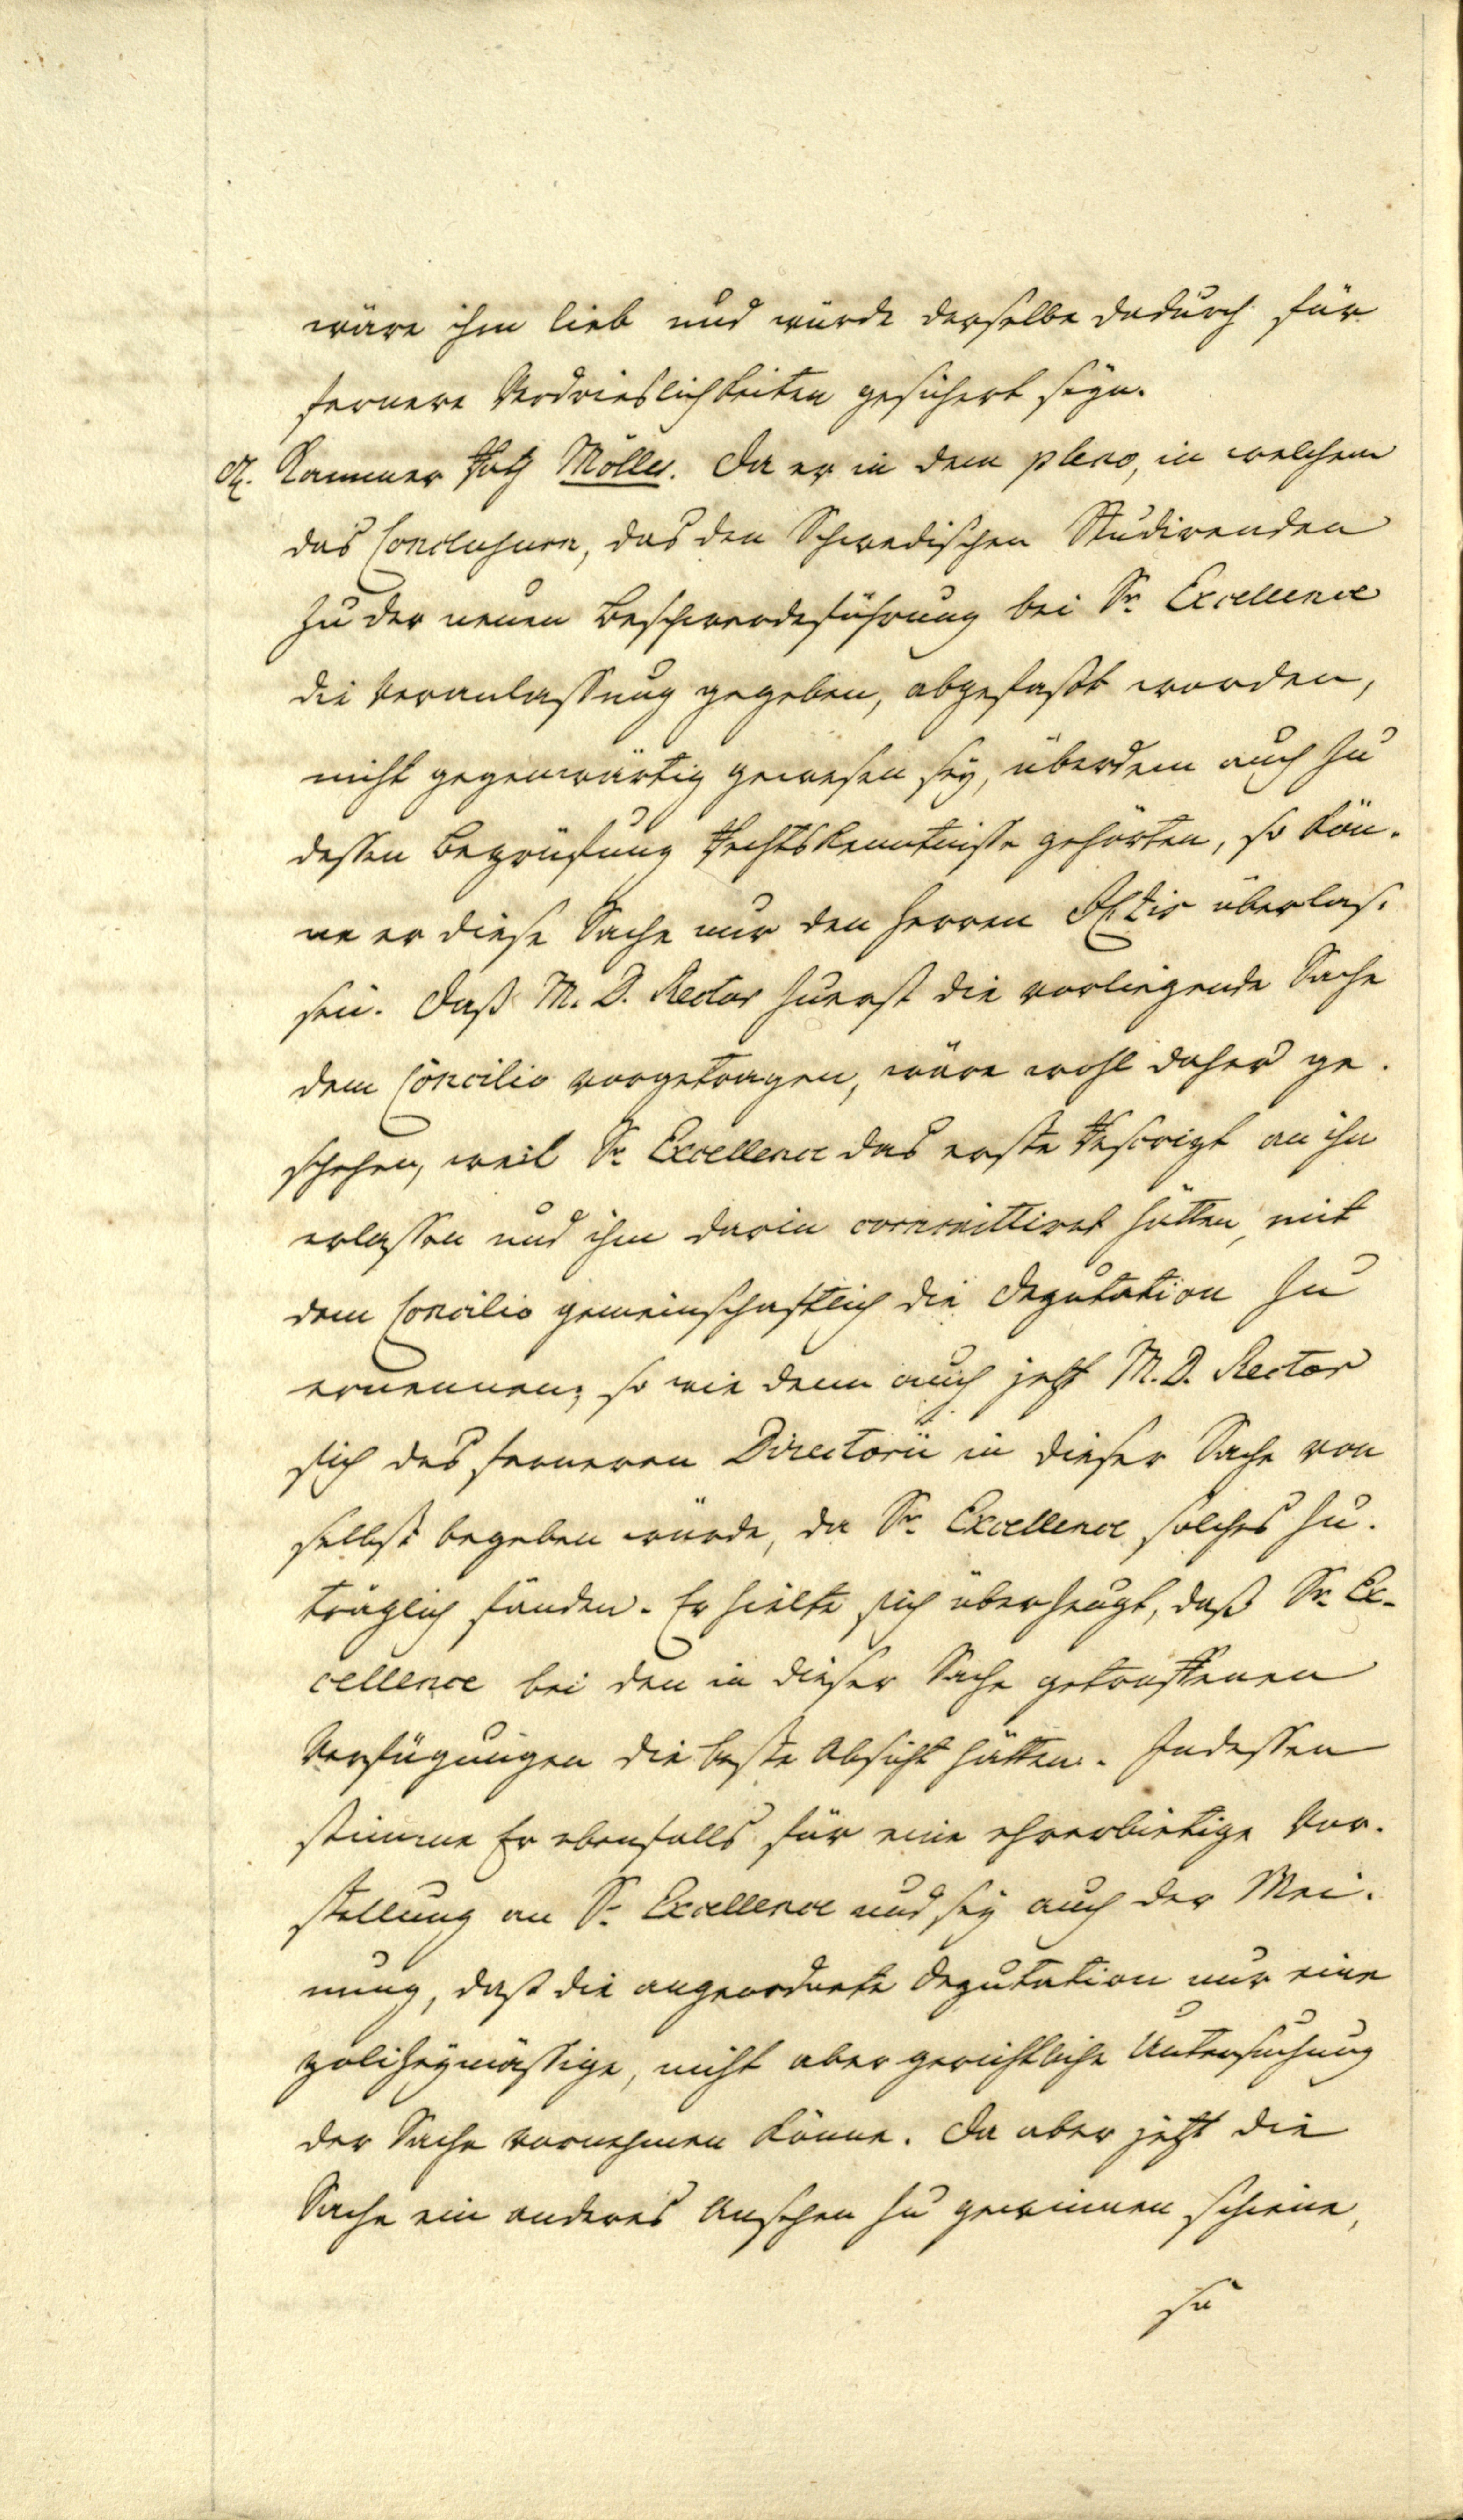wäre ihm lieb und würde derselbe dadurch für
fernere Verdrieslichteiten gesichert seÿn.
dh. Kammer Rath Möller. Da er in dem pleno, in welchem
das Conclusum, das den Schwedischen Studirenden
zu der neuem Beschwerdeführung bei Sr Excellence
die Veranlassung gegeben, abgefaßt worden,
nicht gegenwärtig gewesen seÿ, überdem auch zu
dessen Beprüfung Rechtskenntnisse gehörten, so kön¬
ne er diese Sache nur den Herren Iltis überlas¬
sen. Daß M. D. Rector zuerst die vorliegende Sache
dem Concilio vorgetragen, wäre wohl daher ge¬
schehen, weil Sr. Excellence das erste Rescrigt an ihn
erlassen und ihm darin committiret hätten mit
dem Concilio gemeinschaftich die Deputation zu
ernennen, so wie denn auch jetzt M. D. Rector
sich des ferneren Directorii in dieser Sache von
selbst begeben würde, da Sr. Excellence solches zu¬
träglich fänden. Er hielte sich überzeugt, daß Sr Ex¬
cellence bei den in dieser Sache getroffenen
Verfügungen die beste Absicht hätten. Indessen
stimme Er ebenfalls für eine ehrerbietige Vor¬
stellung an Sr. Excellence und seÿ auch der Mei¬
nung, daß die angeordnete Deputation nur eine
polizeÿmässige, nicht aber gerichtliche Untersuchung
der Sache vornehmen könne. Da aber jetzt die
Sache ein anderes Ansehen zu gewinnen schiene
so